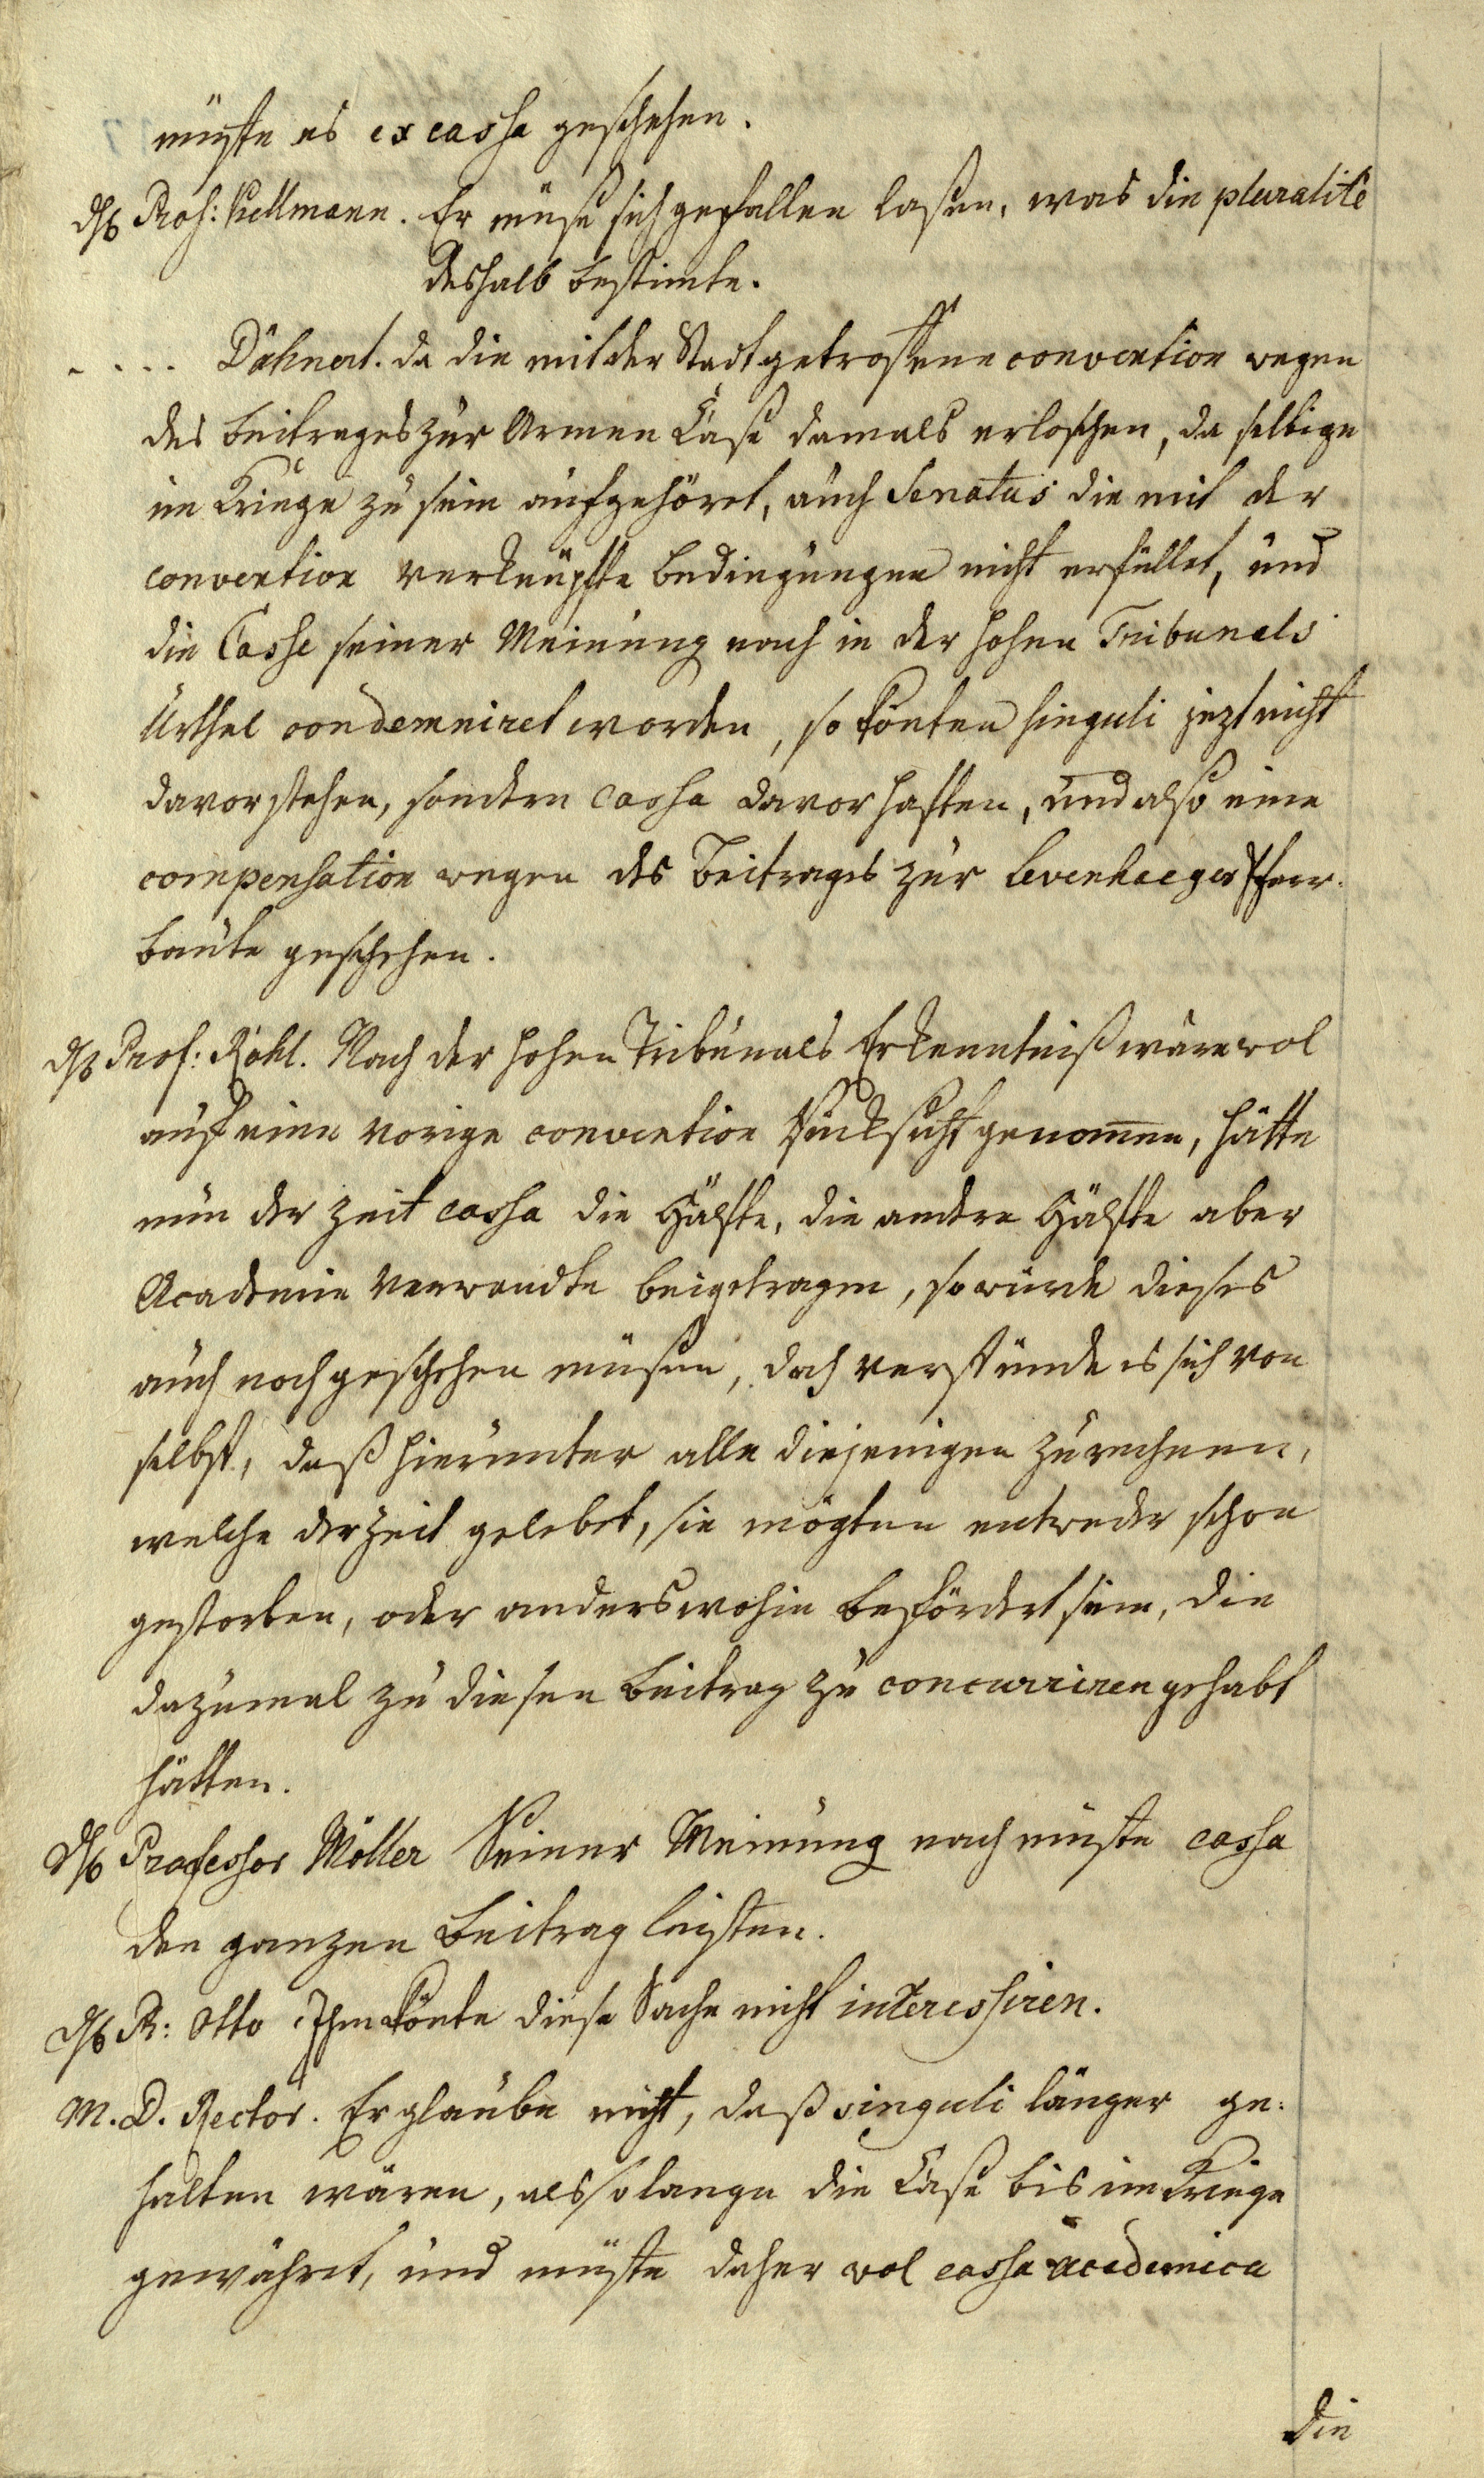müste es ex cassa geschehen.
dh Prof: Kellmann. Er müße sich gefallen laßen, was die pluralité
deshalb bestimte.
Dähnert. da die mit der Stadt getroffene convention wegen
des Beitrags zur Armen Caße damals erloschen, da selbige
im Kriege zu sein aufgehöret, auch Senatus die mit der
convention verknüpfte Bedingungen nicht erfüllet, und
die Casse seiner Meinung nach in der hohen Tribunals
Urthel condemniret worden, so könten singuli jezt nicht
davor stehen, sondern cassa davor haften, und also eine
compensation wegen des Beitrages zur Levenhaeger Pfarr¬
baute geschehen.
dh Prof. Röhl. Nach der hohen Tribunals Erkenntniß wäre wol
auf eine vorige convention Rücksicht genomen, hätte
nun der Zeit cassa die Hälfte, die andere Hälfte aber
Academie Verwandte beigetragen, so würde dieses
auch noch geschehen müßen, doch verstünde es sich von
selbst, daß hierunter alle diejenigen zu rechnen,
welche der Zeit gelebet, sie mögten entweder schon
gestorben, oder anders wohin befördert sein, die
dazumal zu diesen Beitrag zu concurriren gehabt
hätten.
dh Professor Möller Seiner Meinung nach müste cassa
den ganzen Beitrag leisten.
dh Pr: Otto. Ihm könte diese Sache nicht interessiren.
M. D. Rector. Er glaube nicht, daß singuli länger ge¬
halten wären, als so lange die Caße bis im Kriege
gewähret, und müste daher wol cassa academica
die